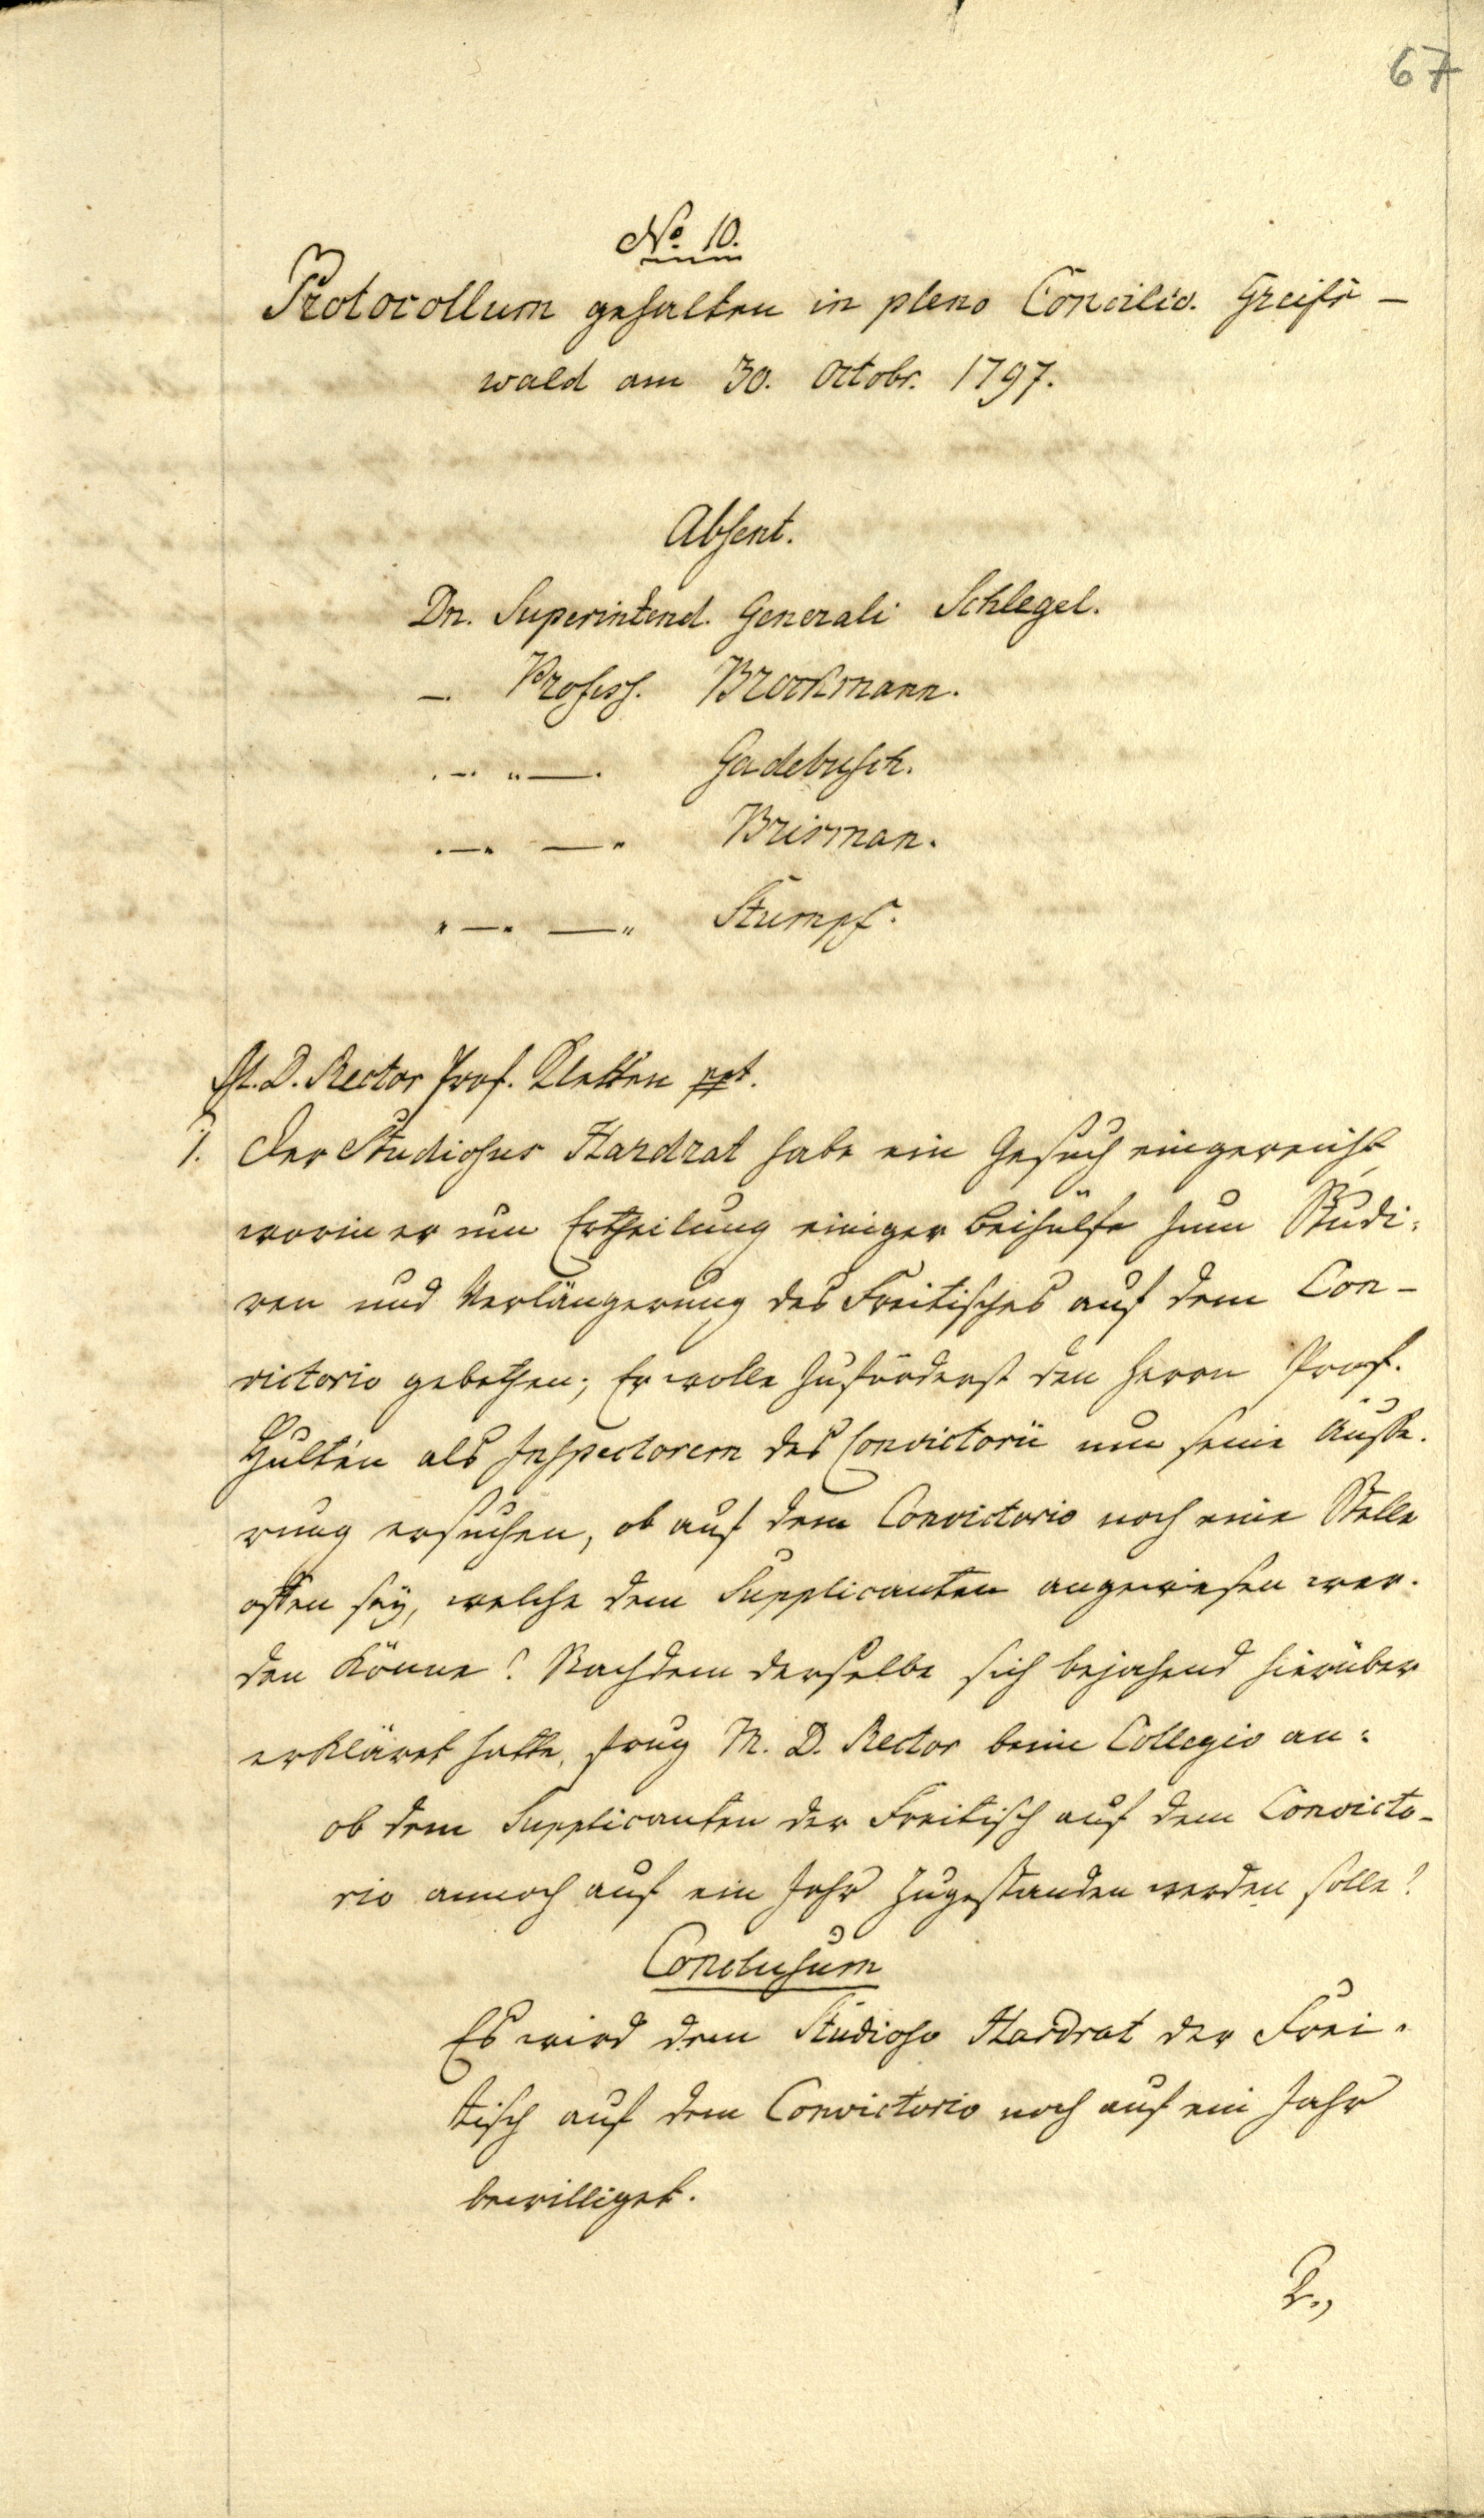No 10.
Protocollum gehalten in pleno Concilio Greifs¬
wald am 30. Octobr. 1797.
Absent.
Dn. Superintend. Generali Schlegel.
Profess. Brockmann.
Gadebusch.
Brisman.
Stumpf.
M. D. Rector Prof. Kletten ppt.
1. Der Studiosus Hardrat habe ein Gesuch eingereicht,
worin er um Ertheilung einiger Beihülfe zum Studi¬
ren und Verlängerung des Feitisches auf dem Con¬
victorio gebethen; Er wolle zuförderst den Herrn Prof.
Hultén als Inspectorem des Convictorio um seine Äusse¬
rung ersuchen, ob auf dem Convictorio noch eine Stelle
offen seÿ, welche dem Supplicanten angewiesen wer¬
den könne? Nachdem derselbe sich bejahend hierüber
erkläret hätte, frug M. D. Rector beim Collegio an:
ob dem Supplicanten der Freitisch auf dem Convicto¬
rio annoch auf ein Jahr zugestanden werden solle?
Conclusum
Es wird dem Studioso Hardrat der Frei¬
tisch auf dem Convictorio noch auf ein Jahr
bewilliget.
2.,